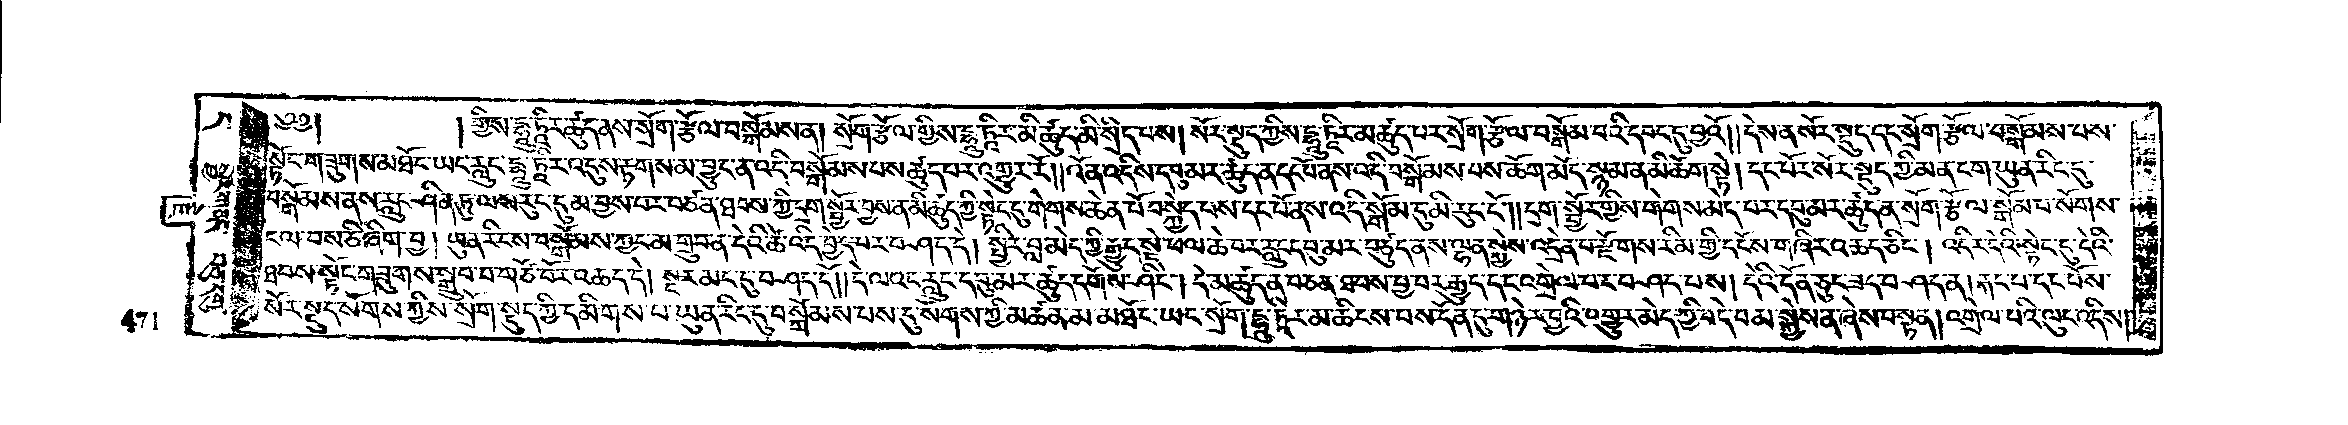༄༅། །གྱིས་དྷཱུ་ཏཱིར་ཚུད་ནས་སྲོག་རྩོལ་བསྒོམས་ན། སྲོག་རྩོལ་གྱིས་དྷཱུ་ཏཱིར་མི་ཚུད་མི་སྲིད་པས། སོར་སྡུད་ཀྱིས་དྷཱུ་ཏཱིར་མ་ཚུད་པར་སྲོག་རྩོལ་བསྒོམ་པའི་དབང་དུ་བྱའོ། །དེས་ན་སོར་སྡུད་དང་སྲོག་རྩོལ་བསྒོམས་པས་
སྟོང་གཟུགས་མཐོང་ཡང་རླུང་དྷཱུ་ཏཱིར་འདུས་རྟགས་མ་བྱུང་ན་འདི་བསྒོམས་པས་ཚུད་པར་འགྱུར་རོ། །འོ་ན་འདིས་དབུ་མར་ཚུད་ན་དང་པོ་ནས་འདི་བསྒོམས་པས་ཆོག་མོད་སྙམ་ན་མི་ཆོག་སྟེ། དང་པོར་སོར་སྡུད་ཀྱི་མན་ངག་ཡུན་རིང་དུ་
བསྒོམས་ནས་རླུང་ཤིན་ཏུ་ལས་རུང་དུ་མ་བྱས་པར་བཙན་ཐབས་ཀྱི་དྲག་སྦྱོར་བྱས་ན་མི་ཚུད་ཀྱི་སྟེང་དུ་གེགས་ཆེན་པོ་བསྐྱེད་པས་དང་པོ་ནས་འདི་སྒོམ་དུ་མི་རུང་ངོ། །དྲག་སྦྱོར་གྱིས་གེགས་མེད་པར་དབུ་མར་ཚུད་ན་སྲོག་རྩོལ་སྒོམ་པ་སོགས་
ངལ་བས་ཅི་ཞིག་བྱ། ཡུན་རིངས་བསྒོམས་ཀྱང་མ་གྲུབ་ན་དེའི་ཚེ་འདི་བྱེད་པར་བཤད་དེ། སྤྱིར་བླ་མེད་ཀྱི་རྒྱུད་སྡེ་ཕལ་ཆེ་བར་རླུང་དབུ་མར་བཙུད་ནས་ལྷན་སྐྱེས་འདྲེན་པ་རྫོགས་རིམ་གྱི་དངོས་གཞིར་འཆད་ཅིང་། འདིར་དེའི་སྟེང་དུ་དེའི་
ཐབས་སྟོང་གཟུགས་སྒྲུབ་པ་གཙོ་བོར་འཆད་དེ། སྔར་མང་དུ་བཤད་དོ། །དེ་ལའང་རླུང་དབུ་མར་ཚུད་དགོས་ཤིང་། དེ་མ་ཚུད་ན་བཙན་ཐབས་བྱ་བར་རྒྱུད་དང་འགྲེལ་པར་བཤད་པས། དེའི་དོན་ཅུང་ཟད་བཤད་ན། རྐང་པ་དང་པོས་
སོར་སྡུད་སོགས་ཀྱིས་སྲོག་སྡུད་ཀྱི་དམིགས་པ་ཡུན་རིང་དུ་བསྒོམས་པས་དུ་སོགས་ཀྱི་མཚན་མ་མཐོང་ཡང་སྲོག་དྷཱུ་ཏཱིར་མ་ཆིངས་པས་དོན་དུ་གཉེར་བྱའི་འགྱུར་མེད་ཀྱི་བདེ་བ་མ་སྐྱེས་ན་ཞེས་བསྟན། འགྲེལ་པའི་ལུང་འདིས།